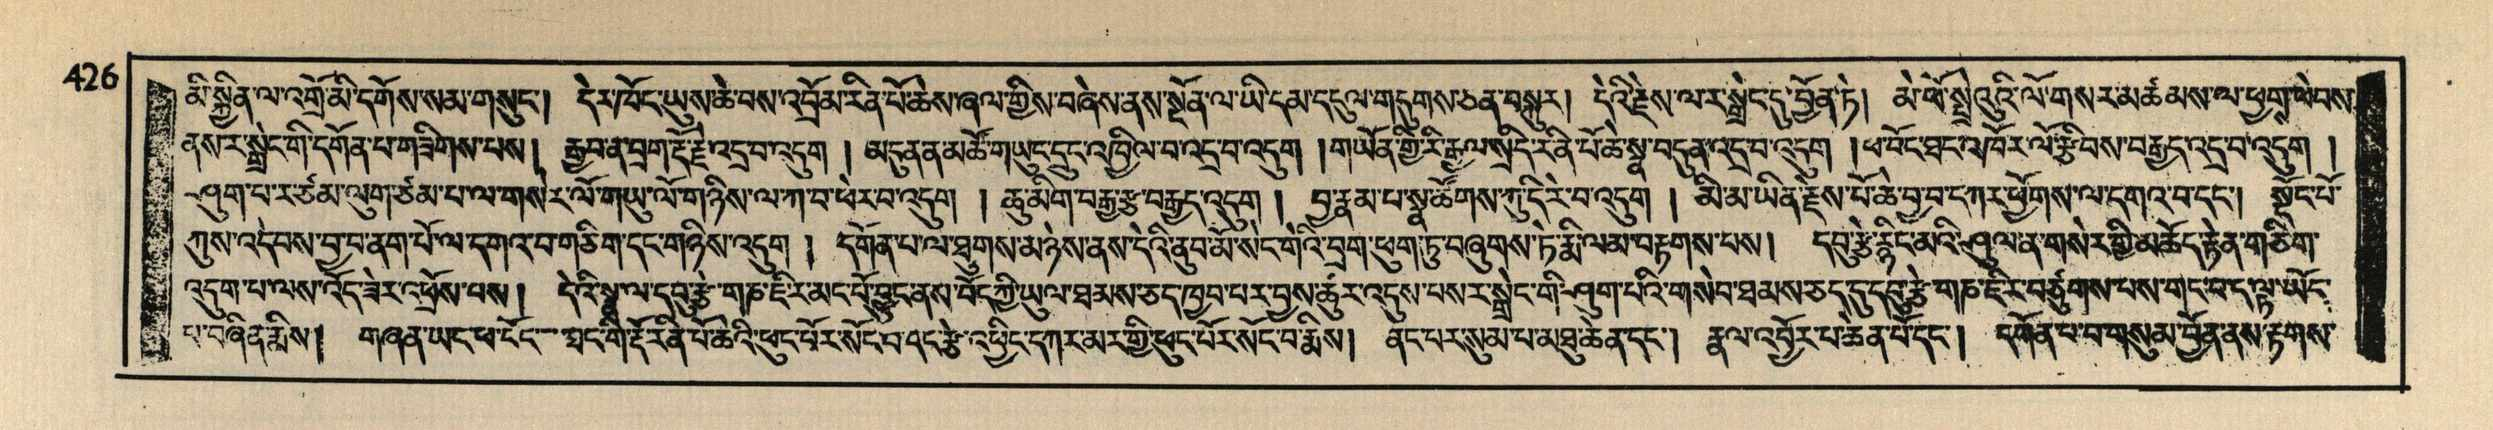མི་སྐྱིན་ལ་འགྲོ་མི་དགོས་སམ་གསུང་། དེར་ཁོང་ཡུས་ཆེ་བས་འབྲོམ་རིན་པོ་ཆེས་ཞལ་གྱིས་བཞེས་ནས་སྔོན་ལ་ཡི་དམ་དངུལ་གདུགས་ཅན་བསྐུར། དེའི་རྗེས་ལར་སྒྲེང་དུ་བྱོན་ཏེ། མེ་ཕོ་སྤྲེའུའི་ལོ་གསར་མཚམས་ལ་ཕྱགས་ཕེབས་
ནས་ར་སྒྲེང་གི་དགོན་པ་གཟིགས་པས། རྒྱབ་ན་བྲག་རྡོ་རྗེ་འདྲ་བ་འདུག །མདུན་ན་མཚོ་གཡུང་དྲུང་འཁྱིལ་བ་འདྲ་བ་འདུག །གཡོན་གྱི་རི་རྒྱལ་སྲིད་རིན་པོ་ཆེ་སྣ་བདུན་འདྲ་བ་འདུག །ཕ་བོང་ཐང་འཁོར་ལོ་རྩིབས་བརྒྱད་འདྲ་བ་འདུག །
ཤུག་པ་ར་ཙམ་ལུག་ཙམ་པ་ལ་གསེར་ལོ་གཡུ་ལོ་གཉིས་ལ་ཀ་བ་ཕེར་བ་འདུག །ཆུ་མིག་བརྒྱ་རྩ་བརྒྱད་འདུག །བྱ་རྣམ་པ་སྣ་ཚོགས་ཀུ་དི་རེ་བ་འདུག །མི་མ་ཡིན་རྗེས་པོ་ཆེ་བྱ་བ་དཀར་ཕྱོགས་ལ་དགའ་བ་དང་། སྡོང་པོ་
ཀུས་འདེབས་བྱ་བ་ནག་པོ་ལ་དགའ་བ་གཅིག་དང་གཉིས་འདུག །དགོན་པ་ལ་ཐུགས་མཉེས་ནས་དེའི་ནུབ་མོ་སེང་གེའི་བྲག་ཕུག་ཏུ་བཞུགས་ཏེ་རྨི་ལམ་བརྟགས་པས། དབུ་རྩེ་རྙིང་མའི་ཤུལ་ན་གསེར་གྱི་མཆོད་རྟེན་གཅིག་
འདུག་པ་ལས་འོད་ཟེར་འཕྲོས་པས། དེའི་སྣ་ལ་དབུ་རྩེ་གཎ་ཇི་ར་མང་པོ་བྱུང་ནས་བོད་ཀྱི་ཡུལ་ཐམས་ཅད་ཁྱབ་པར་བྱས་ཚུར་འདུས་པས་ར་སྒྲེང་གི་ཤུག་པའི་གསེབ་ཐམས་ཅད་དུ་དབུ་རྩེ་གཎ་ཇི་ར་བཙུགས་པས་གང་བ་ད་ལྟ་ཡོད་
པ་བཞིན་རྨིས། གཞན་ཡང་ཕ་བོང?་ཐང་གི་རྡོ་རིན་པོ་ཆེའི་ཕུང་པོར་སོང་བ་འང་རྩེ་འཕྱིང་དཀར་མར་གྱི་ཕུང་པོར་སོང་བ་རྨིས། ནང་པར་སུམ་པ་མཐུ་ཆེན་དང་། རྣལ་འབྱོར་པ་ཆེན་པོ་དང་། དགོན་པ་བ་གསུམ་བྱོན་ནས་རྟགས་